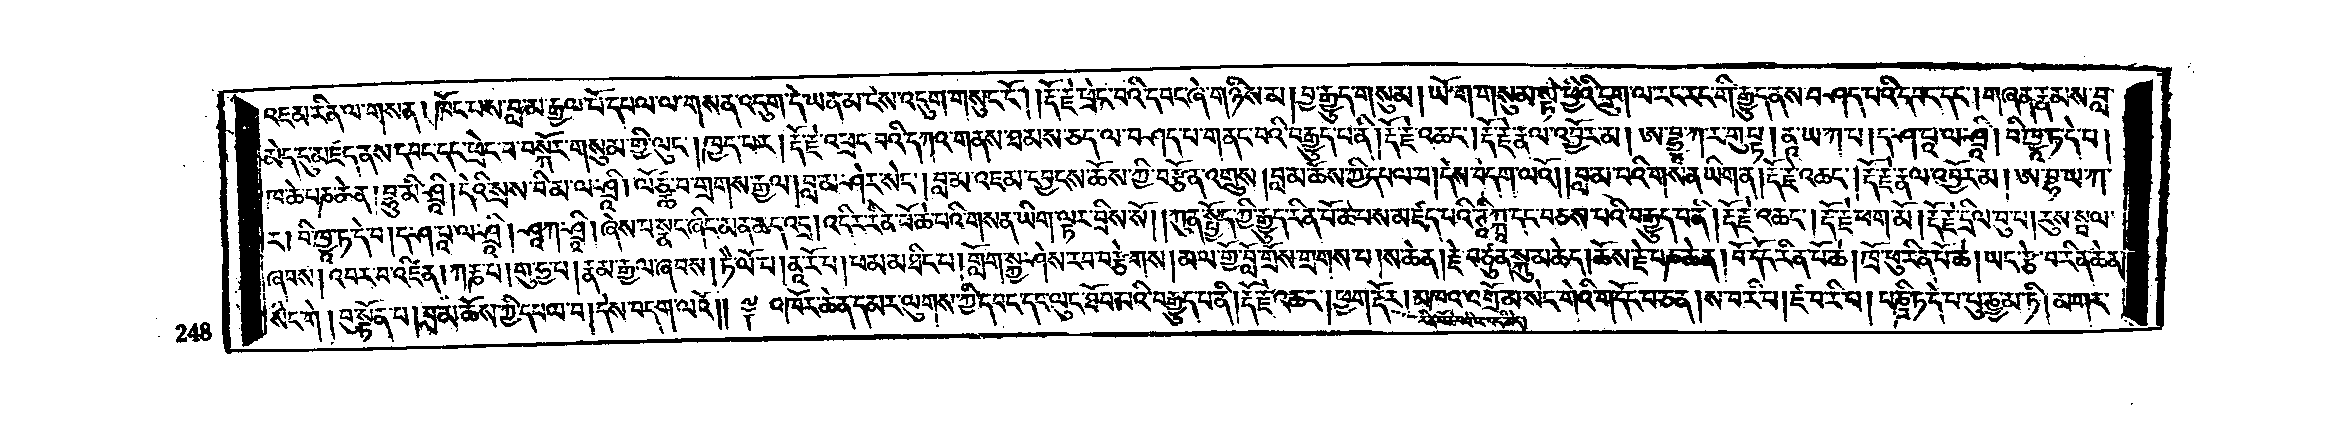འཇམ་རིན་ལ་གསན། ཁོང་པས་བླ་མ་རྒྱལ་པོ་དཔལ་ལ་གསན་འདུག་དེ་ཡན་མ་ངེས་འདུག་གསུང་ངོ། །རྡོ་རྗེ་ཕྲེང་བའི་དབང་ཞེ་གཉིས་མ། བྱ་རྒྱུད་གསུམ། ཡོ་ག་སྟེ་ཕྱིའི་དྲུག་ལ་རང་རང་གི་རྒྱུད་ནས་བཤད་པའི་དབང་དང་། གཞན་རྣམས་བླ་
མེད་དུ་མཛད་ནས་དབང་དང་ཕྲེང་བ་བསྐོར་གསུམ་གྱི་ལུང་། ཁྱད་པར། རྡོ་རྗེ་འཕྲང་བའི་དཀའ་གནས་ཐམས་ཅད་ལ་བཤད་པ་གནང་བའི་བརྒྱུད་པ་ནི། རྡོ་རྗེ་འཆང་། རྡོ་རྗེ་རྣལ་འབྱོར་མ། ཨ་བྷྱའ་ཀ་ར་གུ་པྟ། ནཱ་ཡ་ཀ་པ། ད་ཤ་པཱ་ལ་ཤྲཱི། བི་ཁྱཱཏ་དེ་པ།
ཁ་ཆེ་པཎ་ཆེན། བྷུ་མི་ཤྲཱི། དེའི་སྲས་བི་མ་ལ་ཤྲཱི། ལོཙྪ་བ་གྲགས་རྒྱལ། བླ་མ་ཤེར་སེང་། བླ་མ་འཇམ་བྱངས་ཆོས་ཀྱི་བརྩོན་འགྲུས། བླ་མ་ཆོས་ཀྱི་དཔལ་བ། དེས་བདག་ལའོ། བླ་མ་པའི་གསན་ཡིག་ན། རྡོ་རྗེ་འཆང་། རྡོ་རྗེ་རྣལ་འབྱོར་མ། ཨ་བྷ་ཡ་ཀ་
ར། བི་ཁྱཱ་ཏ་དེ་བ། ད་ཤ་པཱ་ལ་ཤྲཱི། ཤྰྐ་ཤྲཱི། ཞེས་པ་སྣང་ཞིང་མན་ཆད་འདྲ། འདིར་རིན་པོ་ཆེ་པའི་གསན་ཡིག་ལྟར་བྲིས་སོ། །ཀུན་སྤྱོད་ཀྱི་རྒྱུད་རིན་པོ་ཆེ་པས་མཛད་པའི་ཊྰྐྐཱི་དང་བཅས་པའི་བརྒྱུད་པ་ནི། རྡོ་རྗེ་འཆང་། རྡོ་རྗེ་ཕག་མོ་རྡོ་རྗེ་དྲིལ་བུ་པ། རུས་སྦལ་
ཞབས། འབར་བ་འཛིན། ཀྲྞ་པ། གུ་ཧཡ་པ། རྣམ་རྒྲྱལ་ཞབས། ཏཻ་ལོ་པ། ཕབ་མཐིང་པ། གློག་སྐྱ་ཤེས་རབ་བརྩེགས། མལ་གྱོ་བློ་གྲོས་གྲགས་པ། ས་ཆེན། རྗེ་བཙུན་སྐུ་མཆེད། ཆོས་རྗེ་པཎ་ཆེན། བོ་དོང་རིན་པོ་ཆེ། ཁྲོ་ཕུ་རིན་པོ་ཆེ། ཡང་རྩེ་བ་རིན་ཆེན་
སིང་གེ །བུ་སྟོན་པ། བླ་མ་ཆོས་ཀྱི་དཔལ་བ། དེས་བདག་ལའོ།། ༈ འཁོར་ཆེན་དམར་ལུགས་ཀྱི་དབང་དང་ལུང་ཐོབ་པའི་རྒྱུད་པ་ནི། རྡོ་རྗེ་འཆང་། ཕྱག་རྡོར་རིན་པོ་ཆེ་བའི་འ་འདི་མེད། མཁའ་འགྲོ་མ་སེང་གེའི་གདོང་པ་ཅན། ས་བ་རི་བ། ཛ་པ་རི་བ། པཎྜི་ཏ་དེ་པ་པུཎཡ་མ་ཏི། མགར་